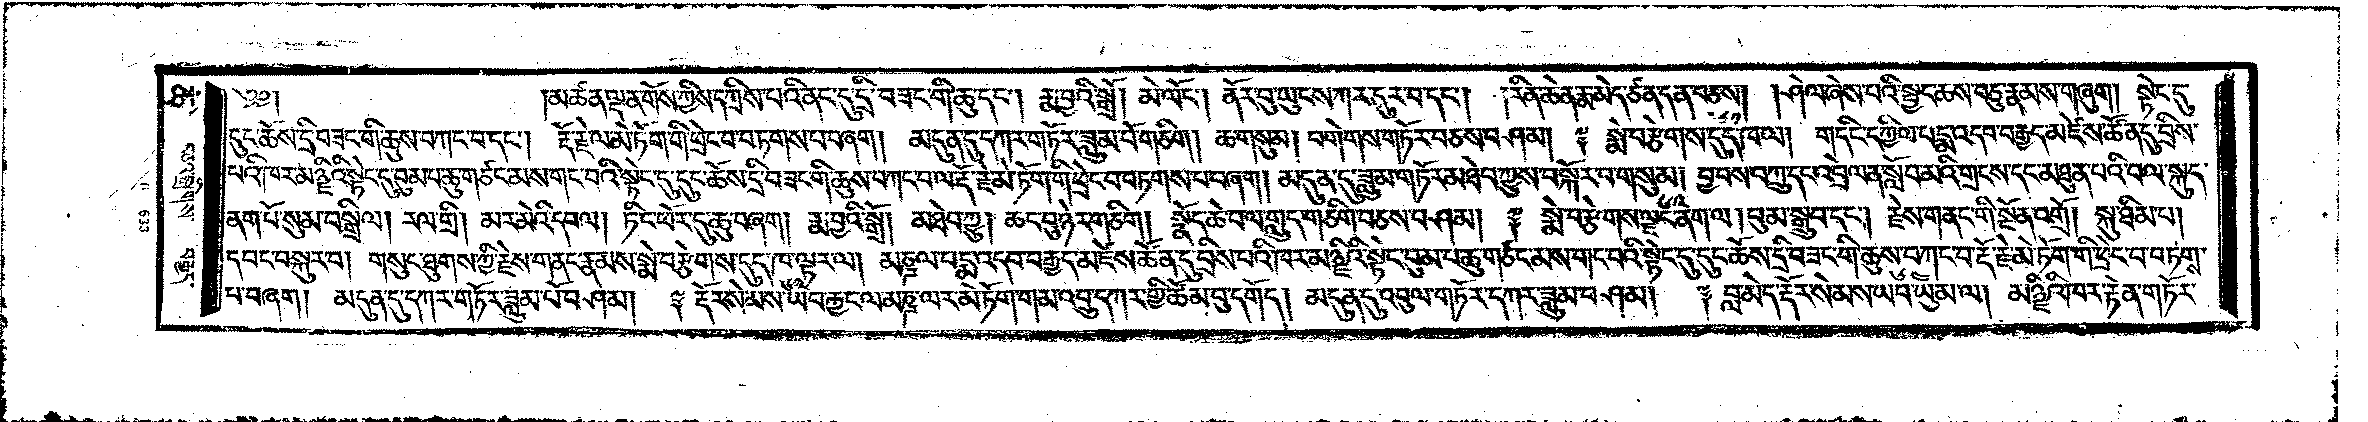༄༅། །མཚན་ལྡན་གོས་ཀྱིས་དཀྲིས་པའི་ནང་དུ་དྲི་བཟང་གི་ཆུ་དང་། རྨ་བྱའི་སྒྲོ། མེ་ལོང་། ནོར་བུ་ཡུངས་ཀར་དུར་བ་དང་། །རིན་ཆེན་རྨ་མེད་ཙན་དན་བཅས། །ཤེལ་ཞེས་པའི་སྦྱང་ཆས་བཅུ་རྣམས་གཞུག། སྟེང་དུ་
དུང་ཆོས་དྲི་བཟང་གི་ཆུས་བཟང་བ་དང་། རྡོ་རྗེ་ལ་མེ་ཏོག་གི་ཕྲེང་བ་བཏགས་པ་བཞག། མདུན་དུ་དཀར་གཏོར་ཟླུམ་པོ་གཅིག ། ཆ་གསུམ། བགེགས་གཏོར་བཅས་བཤམ། ༈ སྨེ་བརྩེགས་དུད་ཁལ། གདིང་དཀྱིལ་པདམ་འདབ་བརྒྱད་མཛེས་ཚོན་དུ་བྲིས་
པའི་ཁར་མཉྫིའི་སྟེང་དུ་བུམ་པ་ཆུ་གཙང་མས་གང་བའི་སྟེང་དུ་དུང་ཆོས་དྲི་བཟང་གི་ཆུས་བཀང་བ་ལ་རྡོ་རྗེ་མེ་ཏོག་གི་ཕྲེང་བ་བཏགས་པ་བཞག། མདུན་དུ་ཟླུམ་གཏོར་མཐེབ་ཀྱུས་བསྐོར་བ་གསུམ། བྱ་བས་བཀྲུ་དང་བྲེལ་ན་སློབ་མའི་གྲངས་དང་མཐུན་པའི་བལ་སྐུད་
ནག་པོ་སུམ་བསྒྲིལ། རལ་གྲི། མར་མེའི་དཔལ། ཏིང་ཕོར་དུ་ཆུ་བཞག། རྨ་བྱའི་སྒྲོ། མཐེབ་ཀྱུ། ཆང་བུ་ཉེར་གཅིག། སྣོད་ཆེ་བ་ལ་གླུད་གཅིག་བཅས་བཤམ། ༈ སྨེ་བརྩེགས་ལྗང་ནག་ལ། བུམ་སྒྲུབ་དང་། རྗེས་གང་གི་སྔོན་འགོ། སྐུ་ཐིམ་པ།
དབང་བསྐུར་བ། གསུང་ཐུགས་ཀྱི་རྗེས་གནང་རྣམས་སྨེ་བརྩེགས་དུད་ཁ་ལྟར་ལ། མཎྜལ་པདམ་འདབ་བརྒྱད་མཛེས་ཚོན་དུ་བྲིས་པའི་ཁར་མཉྫིའི་སྟེང་བུམ་པ་ཆུ་གཙང་མས་གང་བའི་སྟེང་དུ་དུང་ཆོས་དྲི་བཟང་གི་ཆུས་བཀང་བ་རྡོ་རྗེ་མེ་ཏོག་གི་ཕྲེང་བ་བཏགས་
པ་བཞག། མདུན་དུ་དཀར་གཏོར་ཟླུམ་པོ་བཤམ། ༈ རྡོར་སེམས་ཡབ་རྐྱང་ལ་མཎྜ་ལར་མེ་ཏོག་གམ་འབྲུ་དཀར་གྱི་ཚོམ་བུ་དགོད། མདུན་དུ་འབུལ་གཏོར་དཀར་ཟླུམ་བཤམ། ༈ བླ་མེད་རྡོར་སེམས་ཡབ་ཡུམ་ལ། མཉྫིའི་ཁར་རྟེན་གཏོར་